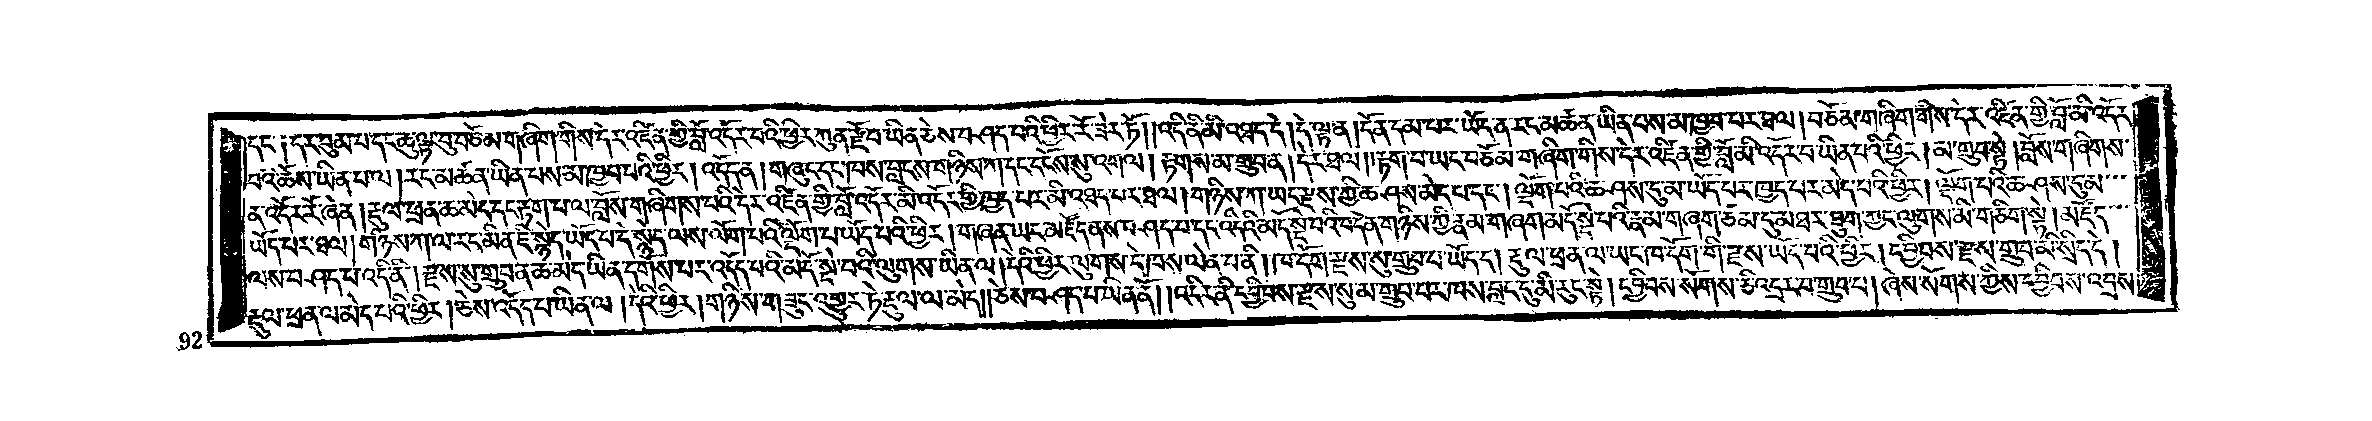དང་། དེར་བུམ་པ་དང་ཆུ་ལྟ་བུ་བཅོམ་གཞག་གིས་དེར་འཛིན་གྱི་བློ་འདོར་བའི་ཕྱིར་ཀུན་རྫོབ་ཡིན་ཅེས་བཤད་པའི་ཕྱིར་རོ་ཟེར་ཏོ། །འདི་ནི་མི་འཐད་དེ། དེ་ལྟ་ན། དོན་དམ་པར་ཡོད་ན་རང་མཚན་ཡིན་པས་མ་ཁྱབ་པར་ཐལ། བཅོམ་གཞིག་གིས་དེར་འཛིན་གྱི་བློ་མི་འདོར་
བའི་ཆོས་ཡིན་པ་ལ། རང་མཚན་ཡིན་པས་མ་ཁྱབ་པའི་ཕྱིར། འདོད་ན། གཞུང་དང་ཁས་བླངས་གཉིས་ཀ་དང་དངོས་སུ་འགལ། རྟགས་མ་གྲུབ་ན། དེར་ཐལ། རྟག་པ་ཡང་བཅོམ་གཞིག་གིས་དེར་འཛིན་གྱི་བློ་མི་འདོར་བ་ཡིན་པའི་ཕྱིར། མ་གྲུབ་སྟེ། བློས་གཞིགས་
ན་འདོར་རོ་ཞེ་ན། རྡུལ་ཕྲན་ཆ་མེད་དང་རྟག་པ་ལ་བློས་གཞིགས་པའི་དེར་འཛིན་གྱི་བློ་འདོར་མི་འདོར་གྱི་ཁྱད་པར་མི་འཐད་པར་ཐལ། གཉིས་ཀ་ཡང་རྫས་ཀྱི་ཆ་ཤས་མེད་པ་དང་། ལྡོག་པའི་ཆ་ཤས་དུ་མ་ཡོད་པར་ཁྱད་པར་མེད་པའི་ཕྱིར། ལྡོག་པའི་ཆ་ཤས་དུ་མ་
ཡོད་པར་ཐལ། གཉིས་ཀ་ལ་རང་མིན་ཇི་སྙེད་ཡོད་པ་དེ་སྙེད་ལས་ལོག་པའི་ལྡོག་པ་ཡོད་པའི་ཕྱིར། གཞན་ཡང་མཛོད་ནས་བཤད་པ་དང་འདིའི་མདོ་སྡེ་པའི་བདེན་གཉིས་ཀྱི་རྣམ་གཞག་མདོ་སྡེ་པའི་རྣམ་གཞག་ཙམ་དུ་མཐར་ཐུག་ཀྱང་ལུགས་མི་གཅིག་སྟེ། མཛོད་
ལས་བཤད་པ་འདི་ནི། རྫས་སུ་གྲུབ་ན་ཆ་མེད་ཡིན་དགོས་པར་འདོད་པའི་མདོ་སྡེ་པའི་ལུགས་ཡིན་ལ། དེའི་ཕྱིར་ལུགས་དེ་ཁས་ལེན་པ་ནི། ཁ་དོག་རྫས་སུ་གྲུབ་པ་ཡོད་དེ། རྡུལ་ཕྲན་ལ་ཡང་ཁ་དོག་གི་རྫས་ཡོད་པའི་ཕྱིར། དབྱིབས་རྫས་གྲུབ་མི་སྲིད་དེ།
རྡུལ་ཕྲན་ལ་མེད་པའི་ཕྱིར། ཅེས་འདོད་པ་ཡིན་ལ། དེའི་ཕྱིར། གཉིས་གཟུང་འགྱུར་ཏེ་རྡུལ་ལ་མེད། །ཅེས་བཤད་པ་ཡིན་ནོ། །འདིར་ནི་དབྱིབས་རྫས་སུ་མ་གྲུབ་པར་ཁས་བླང་དུ་མི་རུང་སྟེ། དབྱིབས་སོགས་ཅི་འདྲར་བ་གྲུབ་པ། ཞེས་སོགས་ཀྱིས་དབྱིབས་འབྲས་